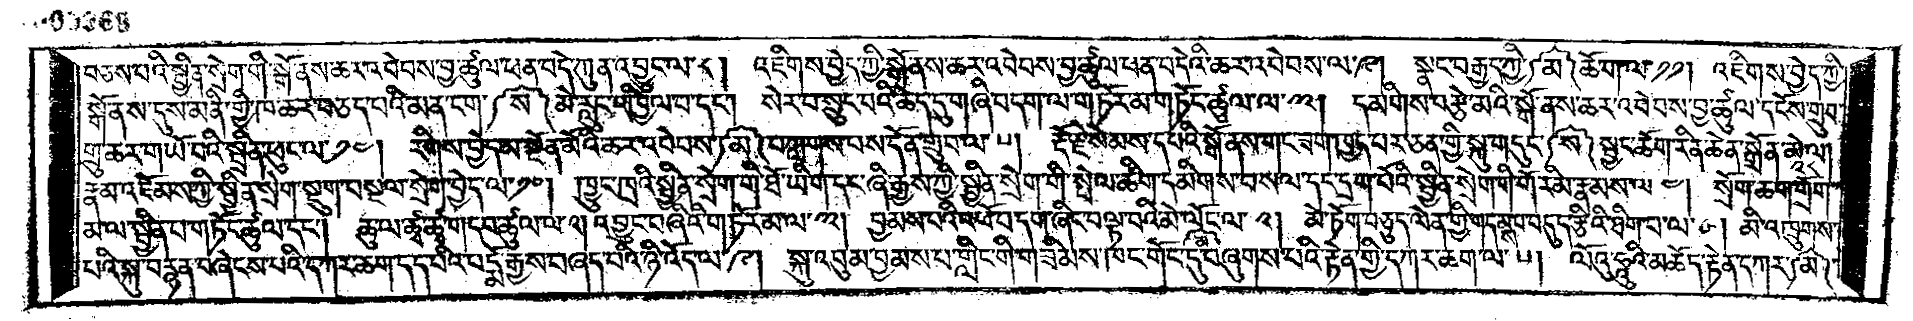བཅས་པའི་སྦྱིན་སྲེག་གི་སྒོ་ནས་ཆར་འབེབས་བྱ་ཚུལ་ཕན་བདེ་ཀུན་འབྱུང་ལ ༨། འཇིགས་བྱེད་ཀྱི་སྒོ་ནས་ཆར་འབེབས་བྱ་ཚུལ་ཕན་བདེའི་ཆར་འབེབས་ལ ༩། སྣང་བརྒྱད་ཀྱི ༼མ༽ ཆོ་ག་ལ ༡༡། འཇིགས་བྱེད་ཀྱི་
སྒོ་ནས་དུས་མིན་གྱི་ཁ་ཆར་བཅད་པའི་མན་ངག ༼ས༽ མེ་རླུང་འཁྱིལ་བ་དང་། སེར་བ་སྲུང་བའི་ཆེད་དུ་གཞི་བདག་ལ་གཏོར་མ་གཏོང་ཚུལ་ལ ༣། དམིགས་བརྩེ་མའི་སྒོ་ནས་ཆར་འབེབས་བྱ་ཚུལ་དངོས་གྲུབ་
གྲུ་ཆར་གཡོ་བའི་སྤྲིན་ཕུང་ལ ༡༤། རིགས་བྱེད་མ་སྔོན་མོའི་ཆར་འབེབས ༼མ༽ བཀླགས་པས་དོན་གྲུབ་ལ ༥། རྡོ་རྗེ་སེམས་དཔའི་སྒོ་ནས་གང་ཟག་ཁྱད་པར་ཅན་གྱི་སྐུ་གདུང ༼ས༽ སྦྱང་ཆོག་རིན་ཆེན་སྒྲོན་མེ༢༨་ལ།
རྣམ་འཇོམས་ཀྱི་སྦྱིན་སྲེག་སྡུག་བསྔལ་སྲེག་བྱེད་ལ ༡༠། ཁྱུང་ཁྲའི་སྦྱིན་སྲེག་གི་ཐོ་ཡིག་དང་ཞི་རྒྱས་ཀྱི་སྦྱིན་སྲེག་གི་སྤེལ་ཚིག་དམིགས་བསལ་དང་དྲག་པོའི་སྦྱིན་སྲེག་གི་གོ་རིམ་རྣམས་ལ ༤། སྲོག་ཆག་གྲོག་
མ་ལ་སྦྱིན་པ་གཏོང་ཚུལ་དང་། ཆུ་ལ་ཚྭ་ཚྭ་གདབ་ཚུལ་ལ ༢། འབྱུང་བཞིའི་གཏོར་མ་ལ ༣། བྱམས་པའི་འཕོ་བ་དག་ཞིང་བལྟ་བའི་མེ་ལོང་ལ ༢། མེ་ཏོག་བཅུད་ལེན་གྱི་གདམས་བ་བདུད་རྩིའི་ཐིག་པ་ལ ༦། མི་འཁྲུགས་
པའི་སྐུ་བརྙན་བཞེངས་པའི་དཀར་ཆག་དད་པའི་པདམོ་རྒྱས་བཞད་པའི་ཉི་འོད་ལ ༩། སྐུ་འབུམ་བྱམས་པ་གླིང་གི་གཟིམས་ཁང་གོང་དུ་བཞུགས་པའི་རྟེན་གྱི་དཀར་ཆག་ལ ༥། ལོའུ་ཧཱུའི་མཆོད་རྟེན་དཀར ༼མ༽